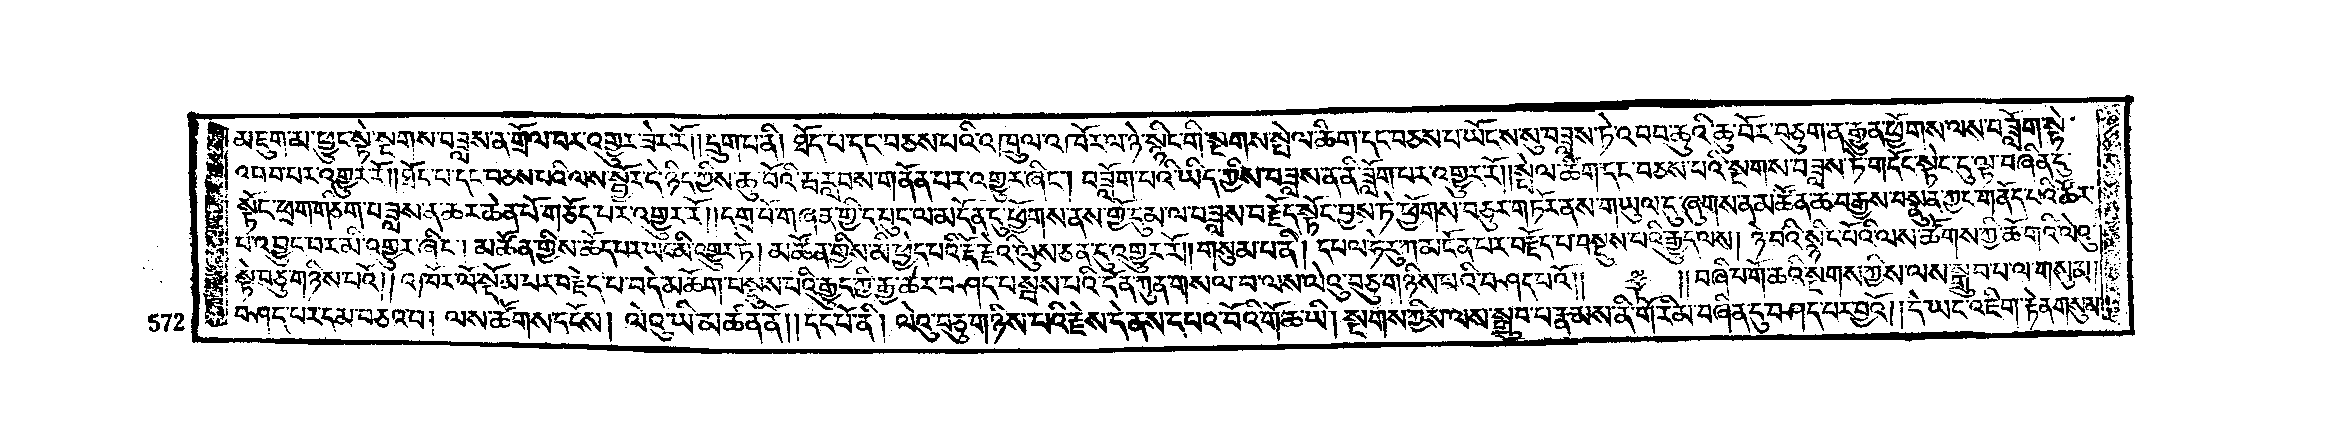མཇུག་མ་ཕྱུང་སྟེ་སྔགས་བཟླས་ན་གྲོལ་བར་འགྱུར་ཟེར་རོ། །དྲུག་པ་ནི། ཐོད་པ་དང་བཅས་པའི་འཁྲུལ་འཁོར་ལ་ཉེ་སྙིང་གི་སྔགས་སྤེལ་ཚིག་དང་བཅས་པ་ཡོངས་སུ་བཟླས་ཏེ་འབབ་ཆུའི་ཆུ་བོར་བཅུག་ན་རྒྱུན་ཕྱོགས་ལས་བཟློག་སྟེ་
འབབ་པར་འགྱུར་རོ། །ཐོད་པ་དང་བཅས་པའི་ལས་སྦྱོར་དེ་ཉིད་ཀྱིས་ཆུ་བོའི་རྦ་རླབས་གནོན་པར་འགྱུར་ཞིང་། བཟློག་པའི་ཡིད་ཀྱིས་བཟླས་ན་ནི་ཟློག་པར་འགྱུར་རོ། །སྤེལ་ཚིག་དང་བཅས་པའི་སྔགས་བཟླས་ཏེ་གདོང་སྟེང་དུ་ལྟ་བཞིན་དུ་
སྟོང་ཕྲག་གཅིག་བཟླས་ན་ཆར་ཆེན་པོ་གཅོད་པར་འགྱུར་རོ། །དགྲ་བོ་གཞན་གྱི་དཔུང་ལ་མངོན་དུ་ཕྱོགས་ནས་གྱོ་དུམ་ལ་བཟླས་བརྗོད་སྟོང་བྱས་ཏེ་ཕྱོགས་བཅུར་གཏོར་ནས་གཡུལ་དུ་ཞུགས་ན་མཚོན་ཆ་བརྒྱས་བསྣུན་ཀྱང་གནོད་པའི་ཚོར་
བ་འབྱུང་བར་མི་འགྱུར་ཞིང་། མཚོན་གྱིས་ཀྱང་ཆོད་པར་ཡང་མི་འགྱུར་ཏེ། མཚོན་གྱིས་མི་ཕྱེད་པའི་རྡོ་རྗེའི་ལུས་ཅན་དུ་འགྱུར་རོ། །གསུམ་པ་ནི། དཔལ་ཧེ་རུ་ཀ་མངོན་པར་བརྗོད་པ་བསྡུས་པའི་རྒྱུད་ལས། ཉེ་བའི་སྙིང་པོའི་ལས་ཚོགས་ཀྱི་ཆོ་གའི་ལེའུ་
སྟེ་བཅུ་གཉིས་པའོ། །འཁོར་ལོ་སྡོམ་པར་བརྗེད་པ་བདེ་མཆོག་བསྡུས་པའི་རྒྱུད་ཀྱི་རྒྱ་ཆེར་བཤད་པ་སྦས་པའི་དོན་ཀུན་གསལ་བ་ལས་ལེའུ་བཅུ་གཉིས་པའི་བཤད་པའོ།། ༈ །།བཞི་པ་གོ་ཆའི་སྔགས་ཀྱིས་ལས་སྒྲུབ་པ་ལ་གསུམ།
བཤད་པར་དམ་བཅའ་བ། ལས་ཚོགས་དངོས། ལེའུ་ཡི་མཚན་ནོ། །དང་པོ་ནི། ལེའུ་བཅུ་གཉིས་པའི་རྗེས་དེ་ནས་དཔའ་བོའི་གོ་ཆ་ཡི། སྔགས་ཀྱིས་ལས་སྒྲུབ་པ་རྣམས་ནི་གོ་རིམ་བཞིན་དུ་བཤད་པར་བྱའོ། །དེ་ཡང་འཇིག་རྟེན་གསུམ་